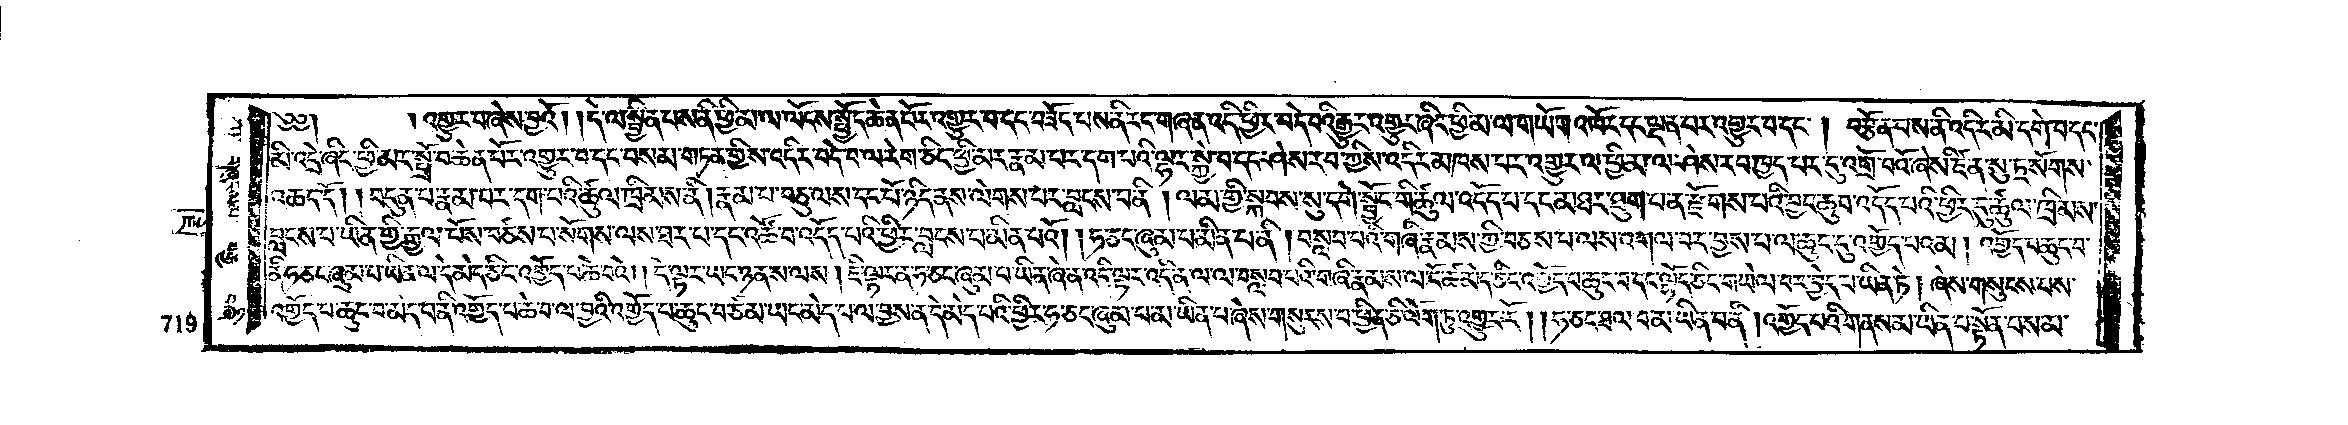༄༅། །འགྱུར་བ་ཞེས་བྱའོ། །དེ་ལ་སྦྱིན་པས་ནི་ཕྱི་མ་ལ་ལོངས་སྤྱོད་ཆེན་པོར་འགྱུར་བ་དང་བཟོད་པས་ནི་རང་གཞན་འདི་ཕྱིར་བདེ་བའི་རྒྱུར་འགྱུར་ཞིང་ཕྱི་མ་ལ་གཡོག་འཁོར་དང་ལྡན་པར་འགྱུར་བ་དང་། བརྩོན་པས་ནི་འདིར་མི་དགེ་བ་དང་
མི་འདྲེ་ཞིང་ཕྱི་མར་སྤྲོ་བ་ཆེན་པོར་འགྱུར་བ་དང་བསམ་གཏན་གྱིས་འདིར་བདེ་བ་ལ་རེག་ཅིང་ཕྱི་མར་རྣམ་པར་དག་པའི་ལྷར་སྐྱེ་བ་དང་ཤེས་རབ་ཀྱིས་འདིར་མཁས་པར་འགྱུར་ལ་ཕྱི་མ་ལ་ཤེས་རབ་ཁྱད་པར་དུ་འགྲོ་བའོ་ཞེས་ཛི་ན་སུ་ཏྲ་སོགས་
འཆད་དོ། །བདུན་པ་རྣམ་པར་དག་པའི་ཚུལ་ཁྲིམས་ནི། རྣམ་པ་བཅུ་ལས་དང་པོ་ཉིད་ནས་ལེགས་པར་བླངས་པ་ནི། ལམ་གྱི་སྐབས་སུ་དགེ་སྦྱོང་གི་ཚུལ་འདོད་པ་དང་མཐར་ཐུག་པ་ན་རྫོགས་པའི་བྱང་ཆུབ་འདོད་པའི་ཕྱིར་དུ་ཚུལ་ཁྲིམས་
བླངས་པ་ཡིན་གྱི་རྒྱལ་པོས་བཙས་པ་སོགས་ལས་ཐར་པ་དང་འཚོ་བ་འདོད་པའི་ཕྱིར་བླངས་པ་མིན་པའོ། །ཧ་ཅང་ཞུམ་པ་མིན་པ་ནི། བསླབ་པའི་གཞི་རྣམས་ཀྱི་བཅས་པ་ལས་འགལ་བར་བྱས་པ་ལ་ཆུང་ངུ་འགྱོད་པའམ། འགྱོད་པ་ཆུང་བ་
ནི་ཧ་ཅང་ཞུམ་པ་ཡིན་ལ་དེ་མེད་ཅིང་འགྱོད་པ་ཆེ་བའོ། །དེ་ལྟར་ཡང་ཉན་ས་ལས། ཇི་ལྟར་ན་ཧ་ཅང་ཞུམ་པ་ཡིན་ཞེ་ན་འདི་ལྟར་འདི་ན་ལ་ལ་བསླབ་པའི་གཞི་རྣམས་ལ་ངོ་ཚ་མེད་ཅིང་འགྱོད་པ་ཆུང་བ་དང་ལྷོད་ཅིང་གཡེལ་བར་བྱེད་པ་ཡིན་ཏེ། ཞེས་གསུངས་པས་
འགྱོད་པ་ཆུང་བ་མེད་པ་ནི་འགྱོད་པ་ཆེ་བ་ལ་བྱའི་འགྱོད་པ་ཆུང་བ་ཙམ་ཡང་མེད་པ་ལ་བྱས་ན་དེ་མེད་པའི་ཕྱིར་ཧ་ཅང་ཞུམ་པ་མ་ཡིན་པ་ཞེས་གསུངས་པ་ཕྱིན་ཅི་ལོག་ཏུ་འགྱུར་རོ། །ཧ་ཅང་ཐལ་བ་མ་ཡིན་པ་ནི། འགྱོད་པའི་གནས་པ་ཡིན་པ་སྟོན་པས་མ་